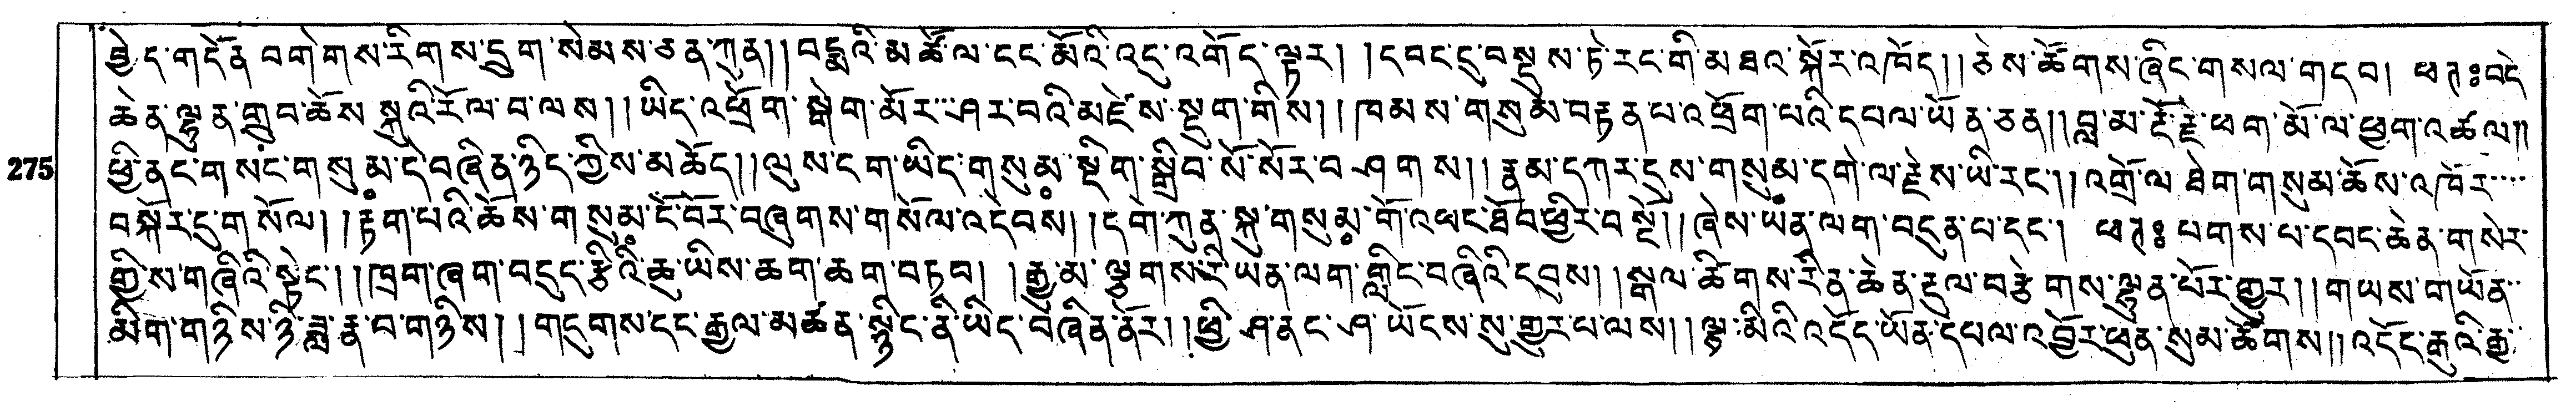བྱེད་གདོན་བགེགས་རིགས་དྲུག་སེམས་ཅན་ཀུན། །པདམའི་མཚོ་ལ་ངང་མོའི་འདུ་འགོད་ལྟར། །དབང་དུ་བསྡུས་ཏེ་རང་གི་མཐའ་སྐོར་འཁོད། །ཅེས་ཚོགས་ཞིང་གསལ་གདབ། ཕཊཿ བདེ་
ཆེན་ལྷུན་གྲུབ་ཆོས་སྐུའི་རོལ་བ་ལས། །ཡིད་འཕྲོག་སྒེག་མོར་ཤར་བའི་མཛེས་སྡུག་གིས། །ཁམས་གསུམ་བརྟན་པ་འཕྲོག་པའི་དཔལ་ཡོན་ཅན། །བླ་མ་རྡོ་རྗེ་ཕག་མོ་ལ་ཕྱག་འཚལ། །
ཕྱི་ནང་གསང་གསུམ་དེ་བཞིན་ཉིད་ཀྱིས་མཆོད། །ལུས་ངག་ཡིད་གསུམ་སྡིག་སྒྲིབ་སོ་སོར་བཤགས། །རྣམ་དཀར་དུས་གསུམ་དགེ་ལ་རྗེས་ཡི་རང་། །འགྲོ་ལ་ཐེག་གསུམ་ཆོས་འཁོར་
བསྐོར་དུ་གསོལ། །རྟག་པའི་ཆོས་གསུམ་ངོ་བོར་བཞུགས་གསོལ་འདེབས། །དགེ་ཀུན་སྐུ་གསུམ་གོ་འཕང་ཐོབ་ཕྱིར་བསྔོ། །ཞེས་ཡན་ལག་བདུན་པ་དང་། ཕཊཿ པགས་པ་དབང་ཆེན་གསེར་
གྱིས་གཞིའི་སྟེང་། །ཁྲག་ཞག་བདུད་རྩིའི་ཆུ་ཡིས་ཆག་ཆག་བཏབ། །རྒྱུ་མ་ལྕགས་རི་ཡན་ལག་གླིང་བཞིའི་དབུས། །སྒལ་ཚིགས་རིན་ཆེན་རྡུལ་བརྩེགས་ལྷུན་པོར་གྱུར། །གཡས་གཡོན་
མིག་གཉིས་ཉི་ཟླ་རྣ་བ་གཉིས། །གདུགས་དང་རྒྱལ་མཚན་སྙིང་ནི་ཡིད་བཞིན་ནོར། །ཕྱི་ཤ་ནང་ཤ་ཡོངས་སུ་གྱུར་པ་ལས། །ལྷ་མིའི་འདོད་ཡོན་དཔལ་འབྱོར་ཕུན་སུམ་ཚོགས། །འདོད་རྒུའི་རྒྱ་